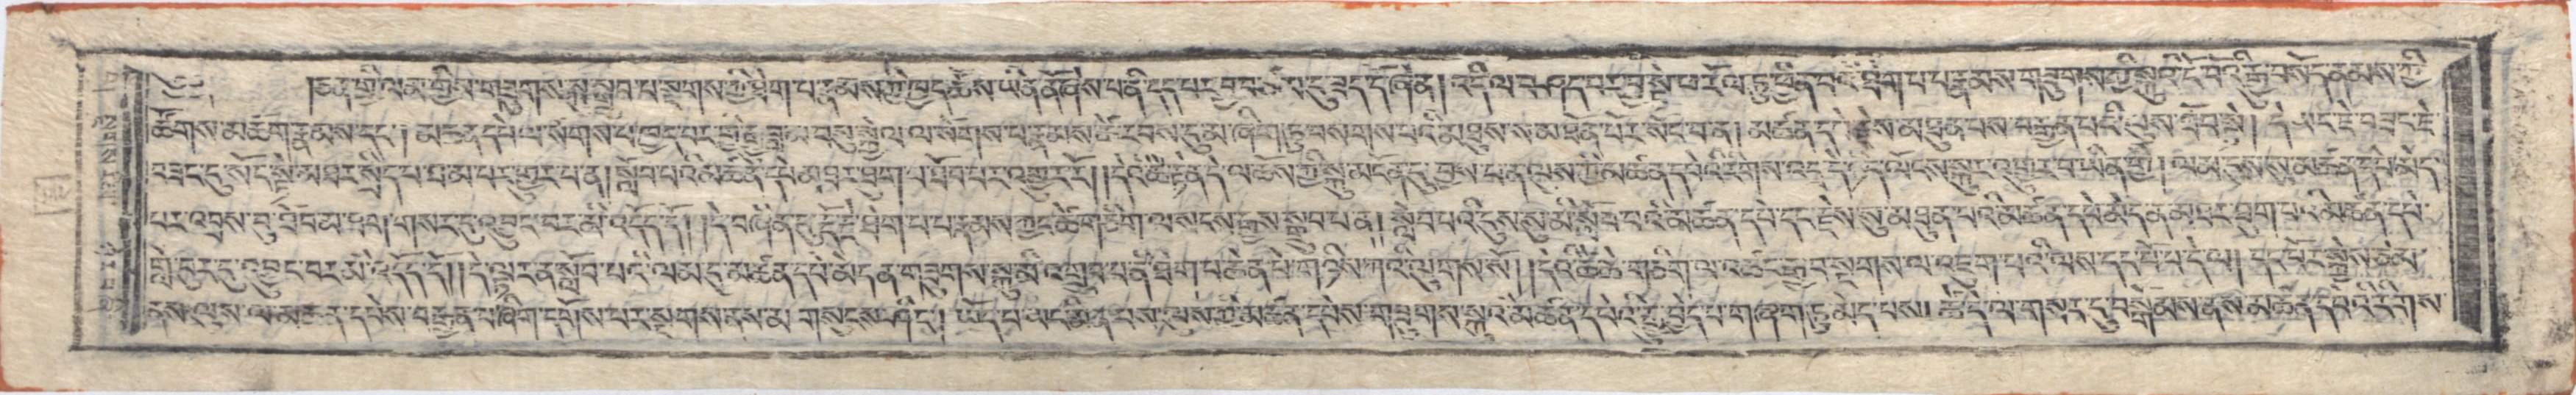༄༅། །ཅན་གྱི་ལམ་གྱིས་གཟུགས་སྐུ་སྒྲུབ་པ་སྔགས་ཀྱི་ཐེག་པ་རྣམས་ཀྱི་ཁྱད་ཚོས་ཡིན་ནོ་ཞེས་པ་ནི་དད་པར་བྱ་བ་ཙམ་དུ་ཟད་དོ་ཞེ་ན། འདི་ལ་བཤད་པར་བྱ་སྟེ་ཕ་རོལ་ཏུ་ཕྱིན་པའི་ཐེག་པ་པ་རྣམས་གཟུགས་ཀྱི་སྐུའི་ངོ་བོའི་རྒྱུ་བསོད་ནམས་ཀྱི་
ཚོགས་མཆོག་རྣམས་དང་། མཚན་དཔེ་ལ་སོགས་པ་ཁྱད་པར་གྱི་རྒྱུ་བླ་མ་བསུ་སྐྱེལ་ལ་སོགས་པ་རྣམས་ཚེ་རབས་དུ་མ་ཞིག་ཏུ་བསགས་པའི་མཐུས་ས་མཐོན་པོར་སོང་བ་ན། མཚན་དཔེ་རྗེས་མཐུན་པས་བརྒྱན་པའི་ལུས་ཐོབ་སྟེ། དེ་ཡང་ཇེ་བཟང་ཇེ་
བཟང་དུ་སོང་སྟེ་མཐར་སྲིད་པ་ཐ་མ་པར་གྱུར་པ་ན། སློབ་པའི་མཚན་དཔེ་མཐར་ཐུག་པ་ཐོབ་པར་འགྱུར་རོ། །དེའི་ཚེ་རྟེན་དེ་ལ་ཆོས་ཀྱི་སྐུ་མངོན་དུ་བྱས་པ་ན་ལུས་ཀྱི་མཚན་དཔེའི་རིགས་འདྲ་དེ་ཉིད་ལོངས་སྐུར་འགྱུར་བ་ཡིན་གྱི། ལམ་དུས་སུ་མཚན་དཔེ་མེད་
པར་འབྲས་བུ་ཐོབ་མ་ཐག་གསར་དུ་འབྱུང་བར་མི་འདོད་དོ། །དེ་བཞིན་དུ་རྡོ་རྗེ་ཐེག་པ་པ་རྣམས་ཀྱང་ཚེ་གཅིག་ལ་སངས་རྒྱས་སྒྲུབ་པ་ན། སློབ་པའི་དུས་སུ་མི་སློབ་པའི་མཚན་དཔེ་དང་རྗེས་སུ་མཐུན་པའི་མཚན་དཔེ་མེད་ན་མཐར་ཐུག་པའི་མཚན་དཔེ་
གློ་བུར་དུ་འབྱུང་བར་མི་འདོད་དོ། །དེ་ལྟར་ན་སློབ་པའི་ལམ་དུ་མཚན་དཔེ་མེད་ན་གཟུགས་སྐུ་མི་འགྲུབ་པ་ནི་ཐེག་པ་ཆེན་པོ་གཉིས་ཀའི་ལུགས་སོ། །དེའི་ཚེ་ཚེ་གཅིག་ལ་འཚང་རྒྱ་བ་སྔགས་ལ་འཇུག་པའི་ལས་དང་པོ་པ་དེ་ལ། དང་པོར་སྐྱེས་ཙམ་
ནས་ལུས་ལ་མཚན་དཔེས་བརྒྱན་པ་ཞིག་དགོས་པར་སྔགས་ནས་མ་གསུངས་ཤིང་། ཡོད་པ་ཡང་མིན་པས་ལུས་ཀྱི་མཚན་དཔེས་གཟུགས་སྐུའི་མཚན་དཔེའི་རྒྱུ་བྱེད་པ་གཞག་ཏུ་མེད་པས། ཚེ་དེ་ལ་གསར་དུ་བསྒོམས་ནས་མཚན་དཔེའི་རིགས་